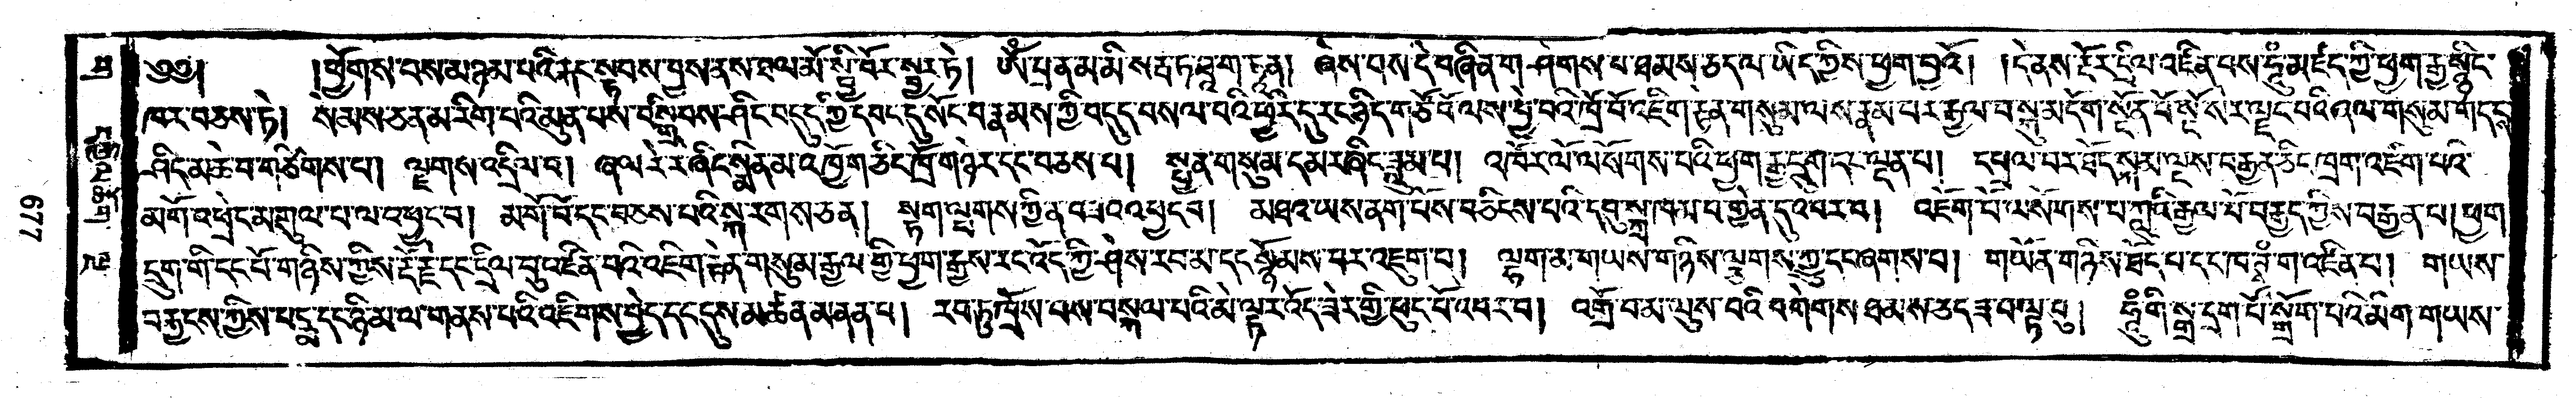༄༅། །ཕྱོགས་བས་མཉམ་པའི་རྐང་སྟབས་བྱས་ནས་ཐལ་མོ་སྤྱི་བོར་སྦྱར་ཏེ། ཨོཾ་པྲ་ན་མ་མི་སརྦ་ཏ་ཐཱ་ག་ཏཱ་ན། ཞེས་བས་དེ་བཞིན་གཤེགས་པ་ཐམས་ཅད་ལ་ཡིད་ཀྱིས་ཕྱག་བྱའོ། །དེ་ནས་རྔོར་དྲིལ་འཛིན་པས་ཧཱུཾ་མཛད་ཀྱི་ཕྱག་རྒྱ་སྙིང་
ཁར་བཅས་ཏེ། སེམས་ཅན་མ་རིག་པའི་མུན་པས་བསྒྲིབས་ཤིང་བདུད་ཀྱི་དབང་དུ་སོང་བ་རྣམས་ཀྱི་བདུད་བསལ་བའི་ཕྱིར་དུ་རང་ཉིད་གཙོ་བོ་ལས་བྱེ་བའི་ཁྲོ་བོ་འཇིག་རྟེན་གསུམ་ལས་རྣམ་པར་རྒྱལ་བ་སྐུ་མདོག་སྔོན་པོ་སྔོ་སེར་ལྗང་བའི་ཞལ་གསུམ་གདངས་
ཤིང་མཆེ་བ་གཙིགས་པ། ལྗགས་འདྲིལ་བ། ཞལ་རེ་རེ་ཞིང་སྨིན་མ་འཁྱོག་ཅིང་ཁྲོ་གཉེར་དང་བཅས་པ། སྤྱན་གསུམ་དམར་ཞིང་ཟླུམ་པ། འཁོར་ལོ་ལ་སོགས་པའི་ཕྱག་རྒྱ་དྲུག་དང་ལྡན་པ། དཔྲལ་པར་ཐོད་སྐམ་ལྔས་བརྒྱན་ཅིང་ཁྲག་འཛིག་པའི་
མགོ་འཕྲེང་མགུལ་པ་ལ་འཕྱང་བ། མགོ་བོ་དང་བཅས་པའི་སྐ་རགས་ཅན། སྟག་ལྤགས་ཀྱི་ན་བཟའ་འཕྱང་བ། མཐའ་ཡས་ནག་པོས་བཅིངས་པའི་དབུ་སྐྲ་ཁམ་བ་གྱེན་དུ་འབར་བ། འཇོག་པོ་ལ་སོགས་པ་ཀླུའི་རྒྱལ་པོ་བརྒྱད་ཀྱིས་བརྒྱན་པ། ཕྱག་
དྲུག་གི་དང་པོ་གཉིས་ཀྱིས་རྡོ་རྗེ་དང་དྲིལ་བུ་འཛིན་པའི་འཇིག་རྟེན་གསུམ་རྒྱལ་གྱི་ཕྱག་རྒྱས་རང་འོད་ཀྱི་ཤེས་རབ་མ་དང་སྙོམས་པར་འཇུག་པ། ལྷག་མ་གཡས་གཉིས་ལྕགས་ཀྱུ་དང་ཞགས་པ། གཡོན་གཉིས་ཐོད་པ་དང་ཁ་ཊྭཾ་ག་འཛིན་པ། གཡས་
བརྐྱངས་ཀྱིས་པདམ་དང་ཉི་མ་ལ་གནས་པའི་འཇིགས་བྱེད་དང་དུས་མཚན་མནན་པ། རབ་ཏུ་ཁྲོས་པས་བསྐལ་པའི་མེ་ལྟར་འོད་ཟེར་གྱི་ཕུང་པོ་འབར་བ། འགྲོ་བ་མ་ལུས་བའི་བགེགས་ཐམས་ཅད་ཟ་བལྟ་བུ། ཧཱུཾ་གི་སྒྲ་དྲག་པོ་སྒྲོག་པའི་མིག་གཡས་